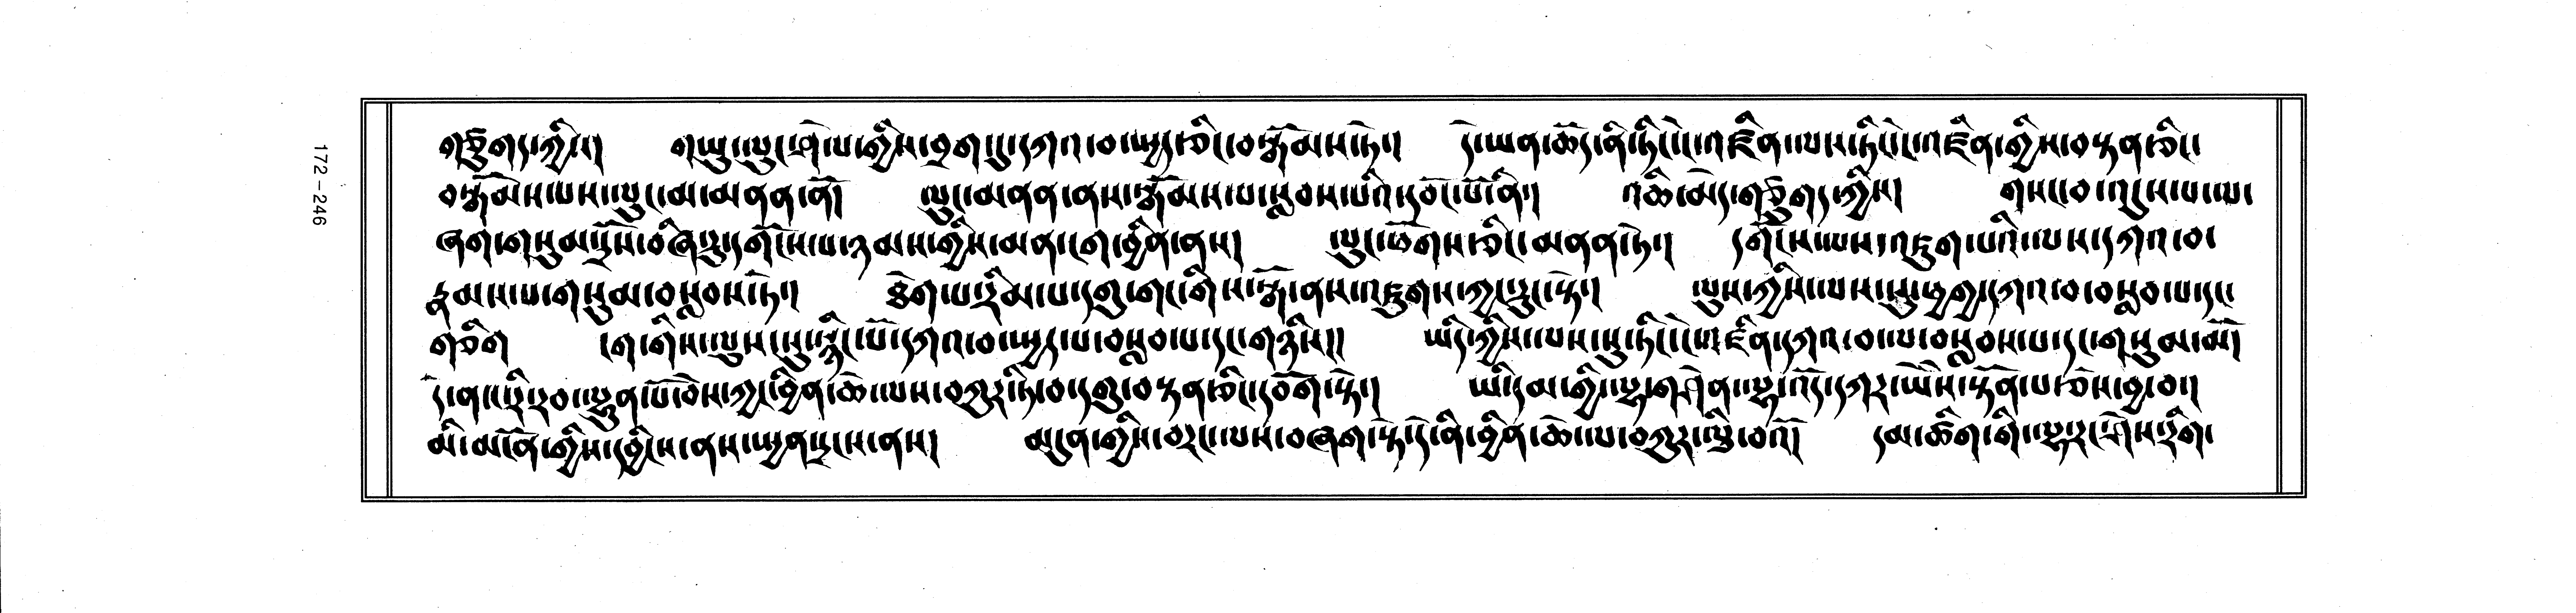གཙུགས་ཕུད་ཀྱིས། གཡུ་ལུང་ཤེལ་གྱིས་བྲག་དུ་དཀའ་བ་སྤྱད་ཅིང་བསྒོམས་ཏེ། དེ་ཡན་ཆོད་ནི་ཏིང་ངེ་འཛིན་ལས་ཏིང་ངེ་འཛིན་གྱིས་བསྟན་ཅིང་
བསྒོམས་པས་ལུང་མ་མནན་ནོ། ལུང་མནན་ནས་སྒོམས་པ་སླབས་པའི་དབོང་པོ་ནི། འཆི་མེད་གཙུག་ཕུད་ཀྱིས། གསང་བ་འདུས་པ་ལ་
ཞག་གསུམ་དྲོས་བཞི་རུ་དགོངས་པ་ཉམས་གྱིས་མན་ངག་བྱིན་ནས། ལུང་ཕོགས་ཅིང་མནན་ཏེ། དགོངས་ལས་འཇུག་པའི་ལས་དཀའ་བ་
རྣམས་པ་གསུམ་བསླབས་ཏེ། ཐེག་པ་རིམ་པ་དགུ་གང་གིས་སྒོ་ནས་འཇུགས་ཀྱང་རུང་སྟེ། ལུས་ཀྱིས་ལས་སུ་ཕྱག་རྒྱ་དཀའ་བ་བསླད་པ་དང་
གཅིག ངག་གིས་ལུས་སུ་སྙིང་པོ་དཀའ་བ་སྤྱད་པ་བསླབ་པ་དང་གཉིས། ཡིད་ཀྱིས་ལས་སུ་ཏིང་ངེ་འཛིན་དཀའ་བ་ལ་བསླབས་པ་དང་གསུམ་མོ། 
དེ་ནས་རི་རབ་ལྷུན་པོ་བེས་ཀྱང་བྱིན་ཆེ་ལས་བཀུར་ཏི་བ་དགུ་བསྟན་ཅིང་དབོག་སྟེ། ཡི་དམ་གྱི་ལྷ་གཤེན་ལྷ་འོད་དཀར་ཡེ་ཤེས་སྟོན་པ་ཅེས་བྱ་བ། 
མི་མངོན་གྱིས་དབྱིངས་ནས་སྤྱན་དྲངས་ནས། མདུན་གྱིས་བར་ནང་ལས་བཞག་སྟེ་དེ་ནི་བྱིན་ཆེ་ལ་བཀུར་ལྕི་བའོ། དམ་ཚིགས་གི་ལྷ་རང་ཤེས་རིག་གིས་